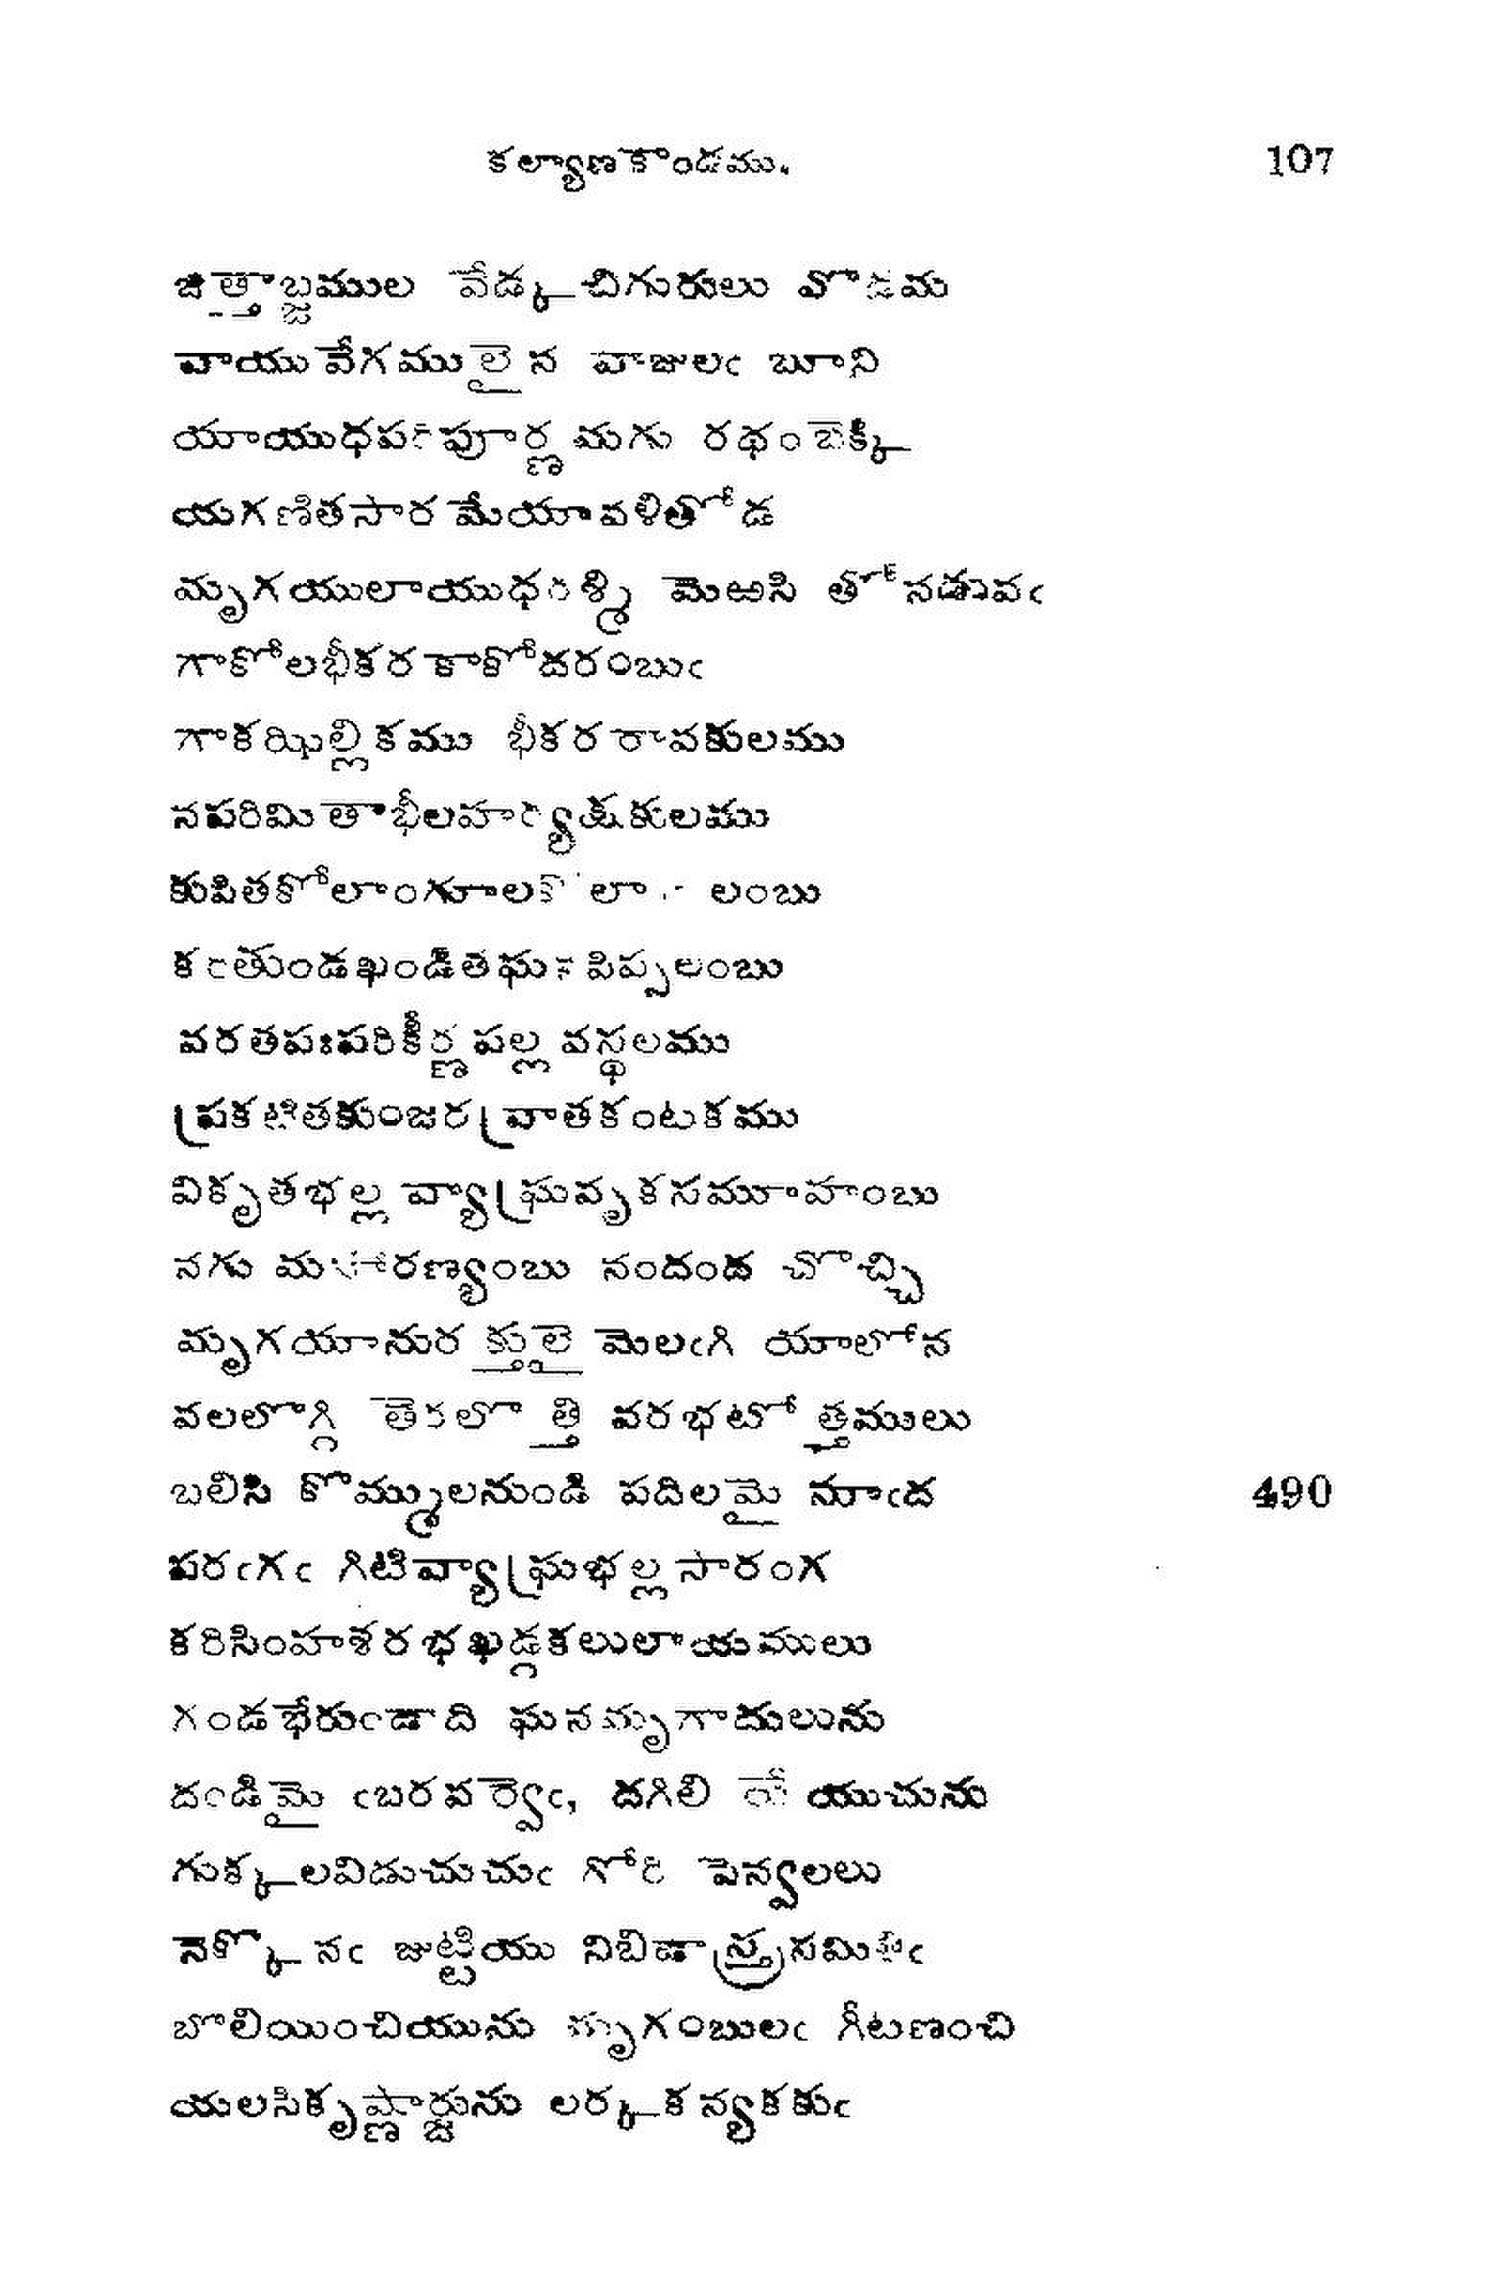జిత్తాబ్జముల వేడ్క చిగురులు వొడమ
వాయు వేగములైన వాజులఁ బూని
యాయుధ పరిపూర్ణమగు రథంబెక్కి
యగణిత సారమేయావళితోడ
మృగయలాయుధ రశ్మి మెఱసి తో నడువఁ
గాకోల భీకర కాకోదరంబుఁ
గాక ఝిల్లికము భీకర రావకులము
నపరిమితాభీల హర్యక్ష కులము
కుపిత కోలాంగూల కోలాహలంబు
కరితుండ ఖండిత ఘన పిప్పలంబు
వర తపః పరికీర్ణ పల్లవ స్థలము 
ప్రకటిత కుంజర వ్రాత కంటకము
వికృత భల్లవ్యాఘ్ర వృక సమూహంబు
నగు మహారణ్యంబు నందంద చొచ్చి
మృగయానురక్తులై మెలఁగి యాలోన
వలలొగ్గి తెరలొత్తి వర భటోత్తములు
బలిసి కొమ్ములనుండి పదిలమైనూఁద
పరఁగఁ గిటివ్యాఘ్ర భల్లసారంగ
కరి సింహ శరభ ఖడ్గకలులాయములు
గండభేరుండాది ఘనమృగాదులును
దండిమైఁ బరవర్వెఁ ,దగిలి యేయుచును
గుక్కల విడుచుచుఁ గోరి పెన్వలలు
నెక్కొనఁ జుట్టియు నిబిడాస్త్రసమితిఁ
బొలియించియును మృగంబులఁ గీటణించి
యలసి కృష్ణార్జునులర్కకన్యకకుఁ